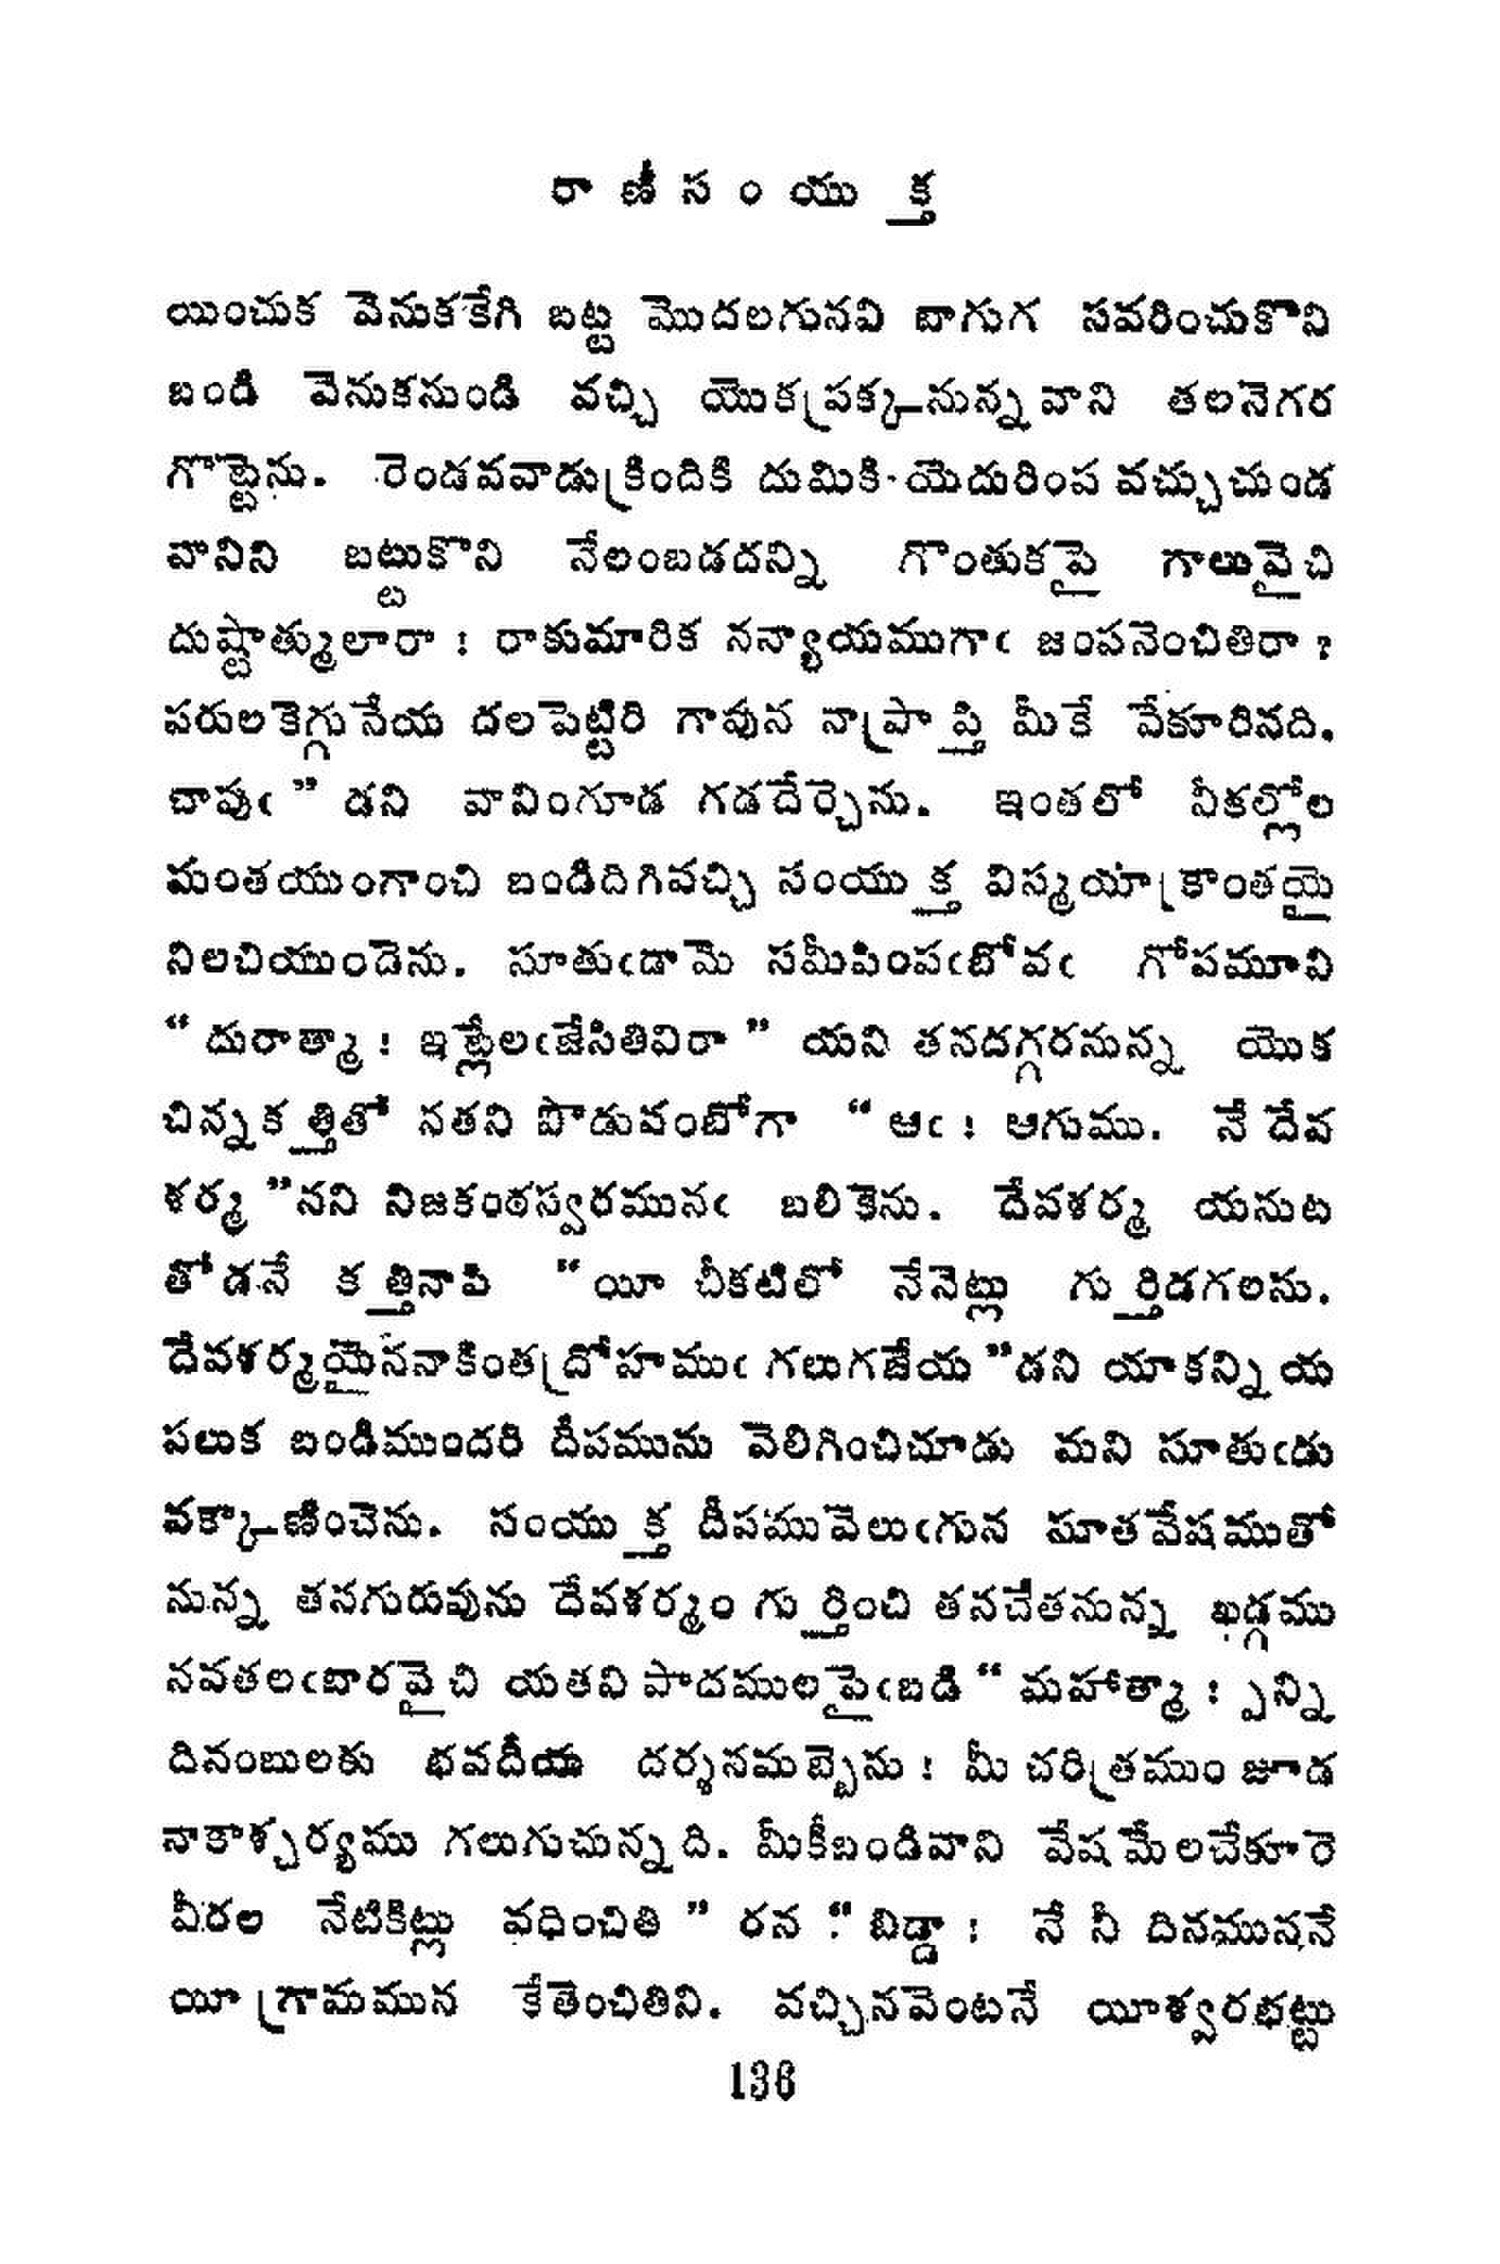యించుక వెనుకకేగి బట్ట మొదలగునవి బాగుగ సవరించుకొని బండి వెనుకనుండి వచ్చి యొకప్రక్కనున్నవాని తలనెగర గొట్టెను. రెండవవాడుక్రిందికి దుమికి యెదురింప వచ్చుచుండ వానిని బట్టుకొని నేలంబడదన్ని గొంతుకపై గాలువైచి దుష్టాత్ములారా ! రాకుమారిక నన్యాయముగాఁ జంపనెంచితిరా? పరులకెగ్గుసేయ దలపెట్టిరి గావున నాప్రాప్తి మీకే చేకూరినది, చావుఁ " డని వానింగూడ గడదేర్చెను. ఇంతలో నీకల్లోల మంతయుంగాంచి బండిదిగివచ్చి సంయుక్త విస్మయాక్రాంతయై నిలచియుండెను. సూతుఁడామె సమీపింపఁబోవఁ గోపమూని “ దురాత్మా ! ఇట్లేలఁజేసితివిరా " యని తనదగ్గరనున్న యొక చిన్నకత్తితో నతని పొడువంబోగా "ఆఁ ! ఆగుము. నే దేవశర్మ "నని నిజకంఠస్వరమునఁ బలికెను. దేవశర్మ యనుట తోడనే కత్తినాపి "యీ చీకటిలో నేనెట్లు గుర్తిడగలను. దేవశర్మయైననాకింత ద్రోహముఁ గలుగజేయ"డని యాకన్నియ పలుక బండిముందరి దీపమును వెలిగించిచూడు మని సూతుఁడు వక్కాణించెను. సంయుక్త దీపమువెలుఁగున సూతవేషముతో నున్న తనగురువును దేవశర్మం గుర్తించి తనచేతనున్న ఖడ్గము నవతలఁ బారవైచి యతని పాదములపైఁబడి " మహాత్మా ! ఎన్ని దినంబులకు భవదీయ దర్శనమబ్బెను ! మీ చరిత్రముం జూడ నాకాశ్చర్యము గలుగుచున్నది. మీకీబండివాని వేషమేలచేకూరె వీరల నేటికిట్లు వధించితి " రన " బిడ్డా : నే నీ దినముననే యీ గ్రామమున కేతెంచితిని. వచ్చినవెంటనే యీశ్వరభట్టు